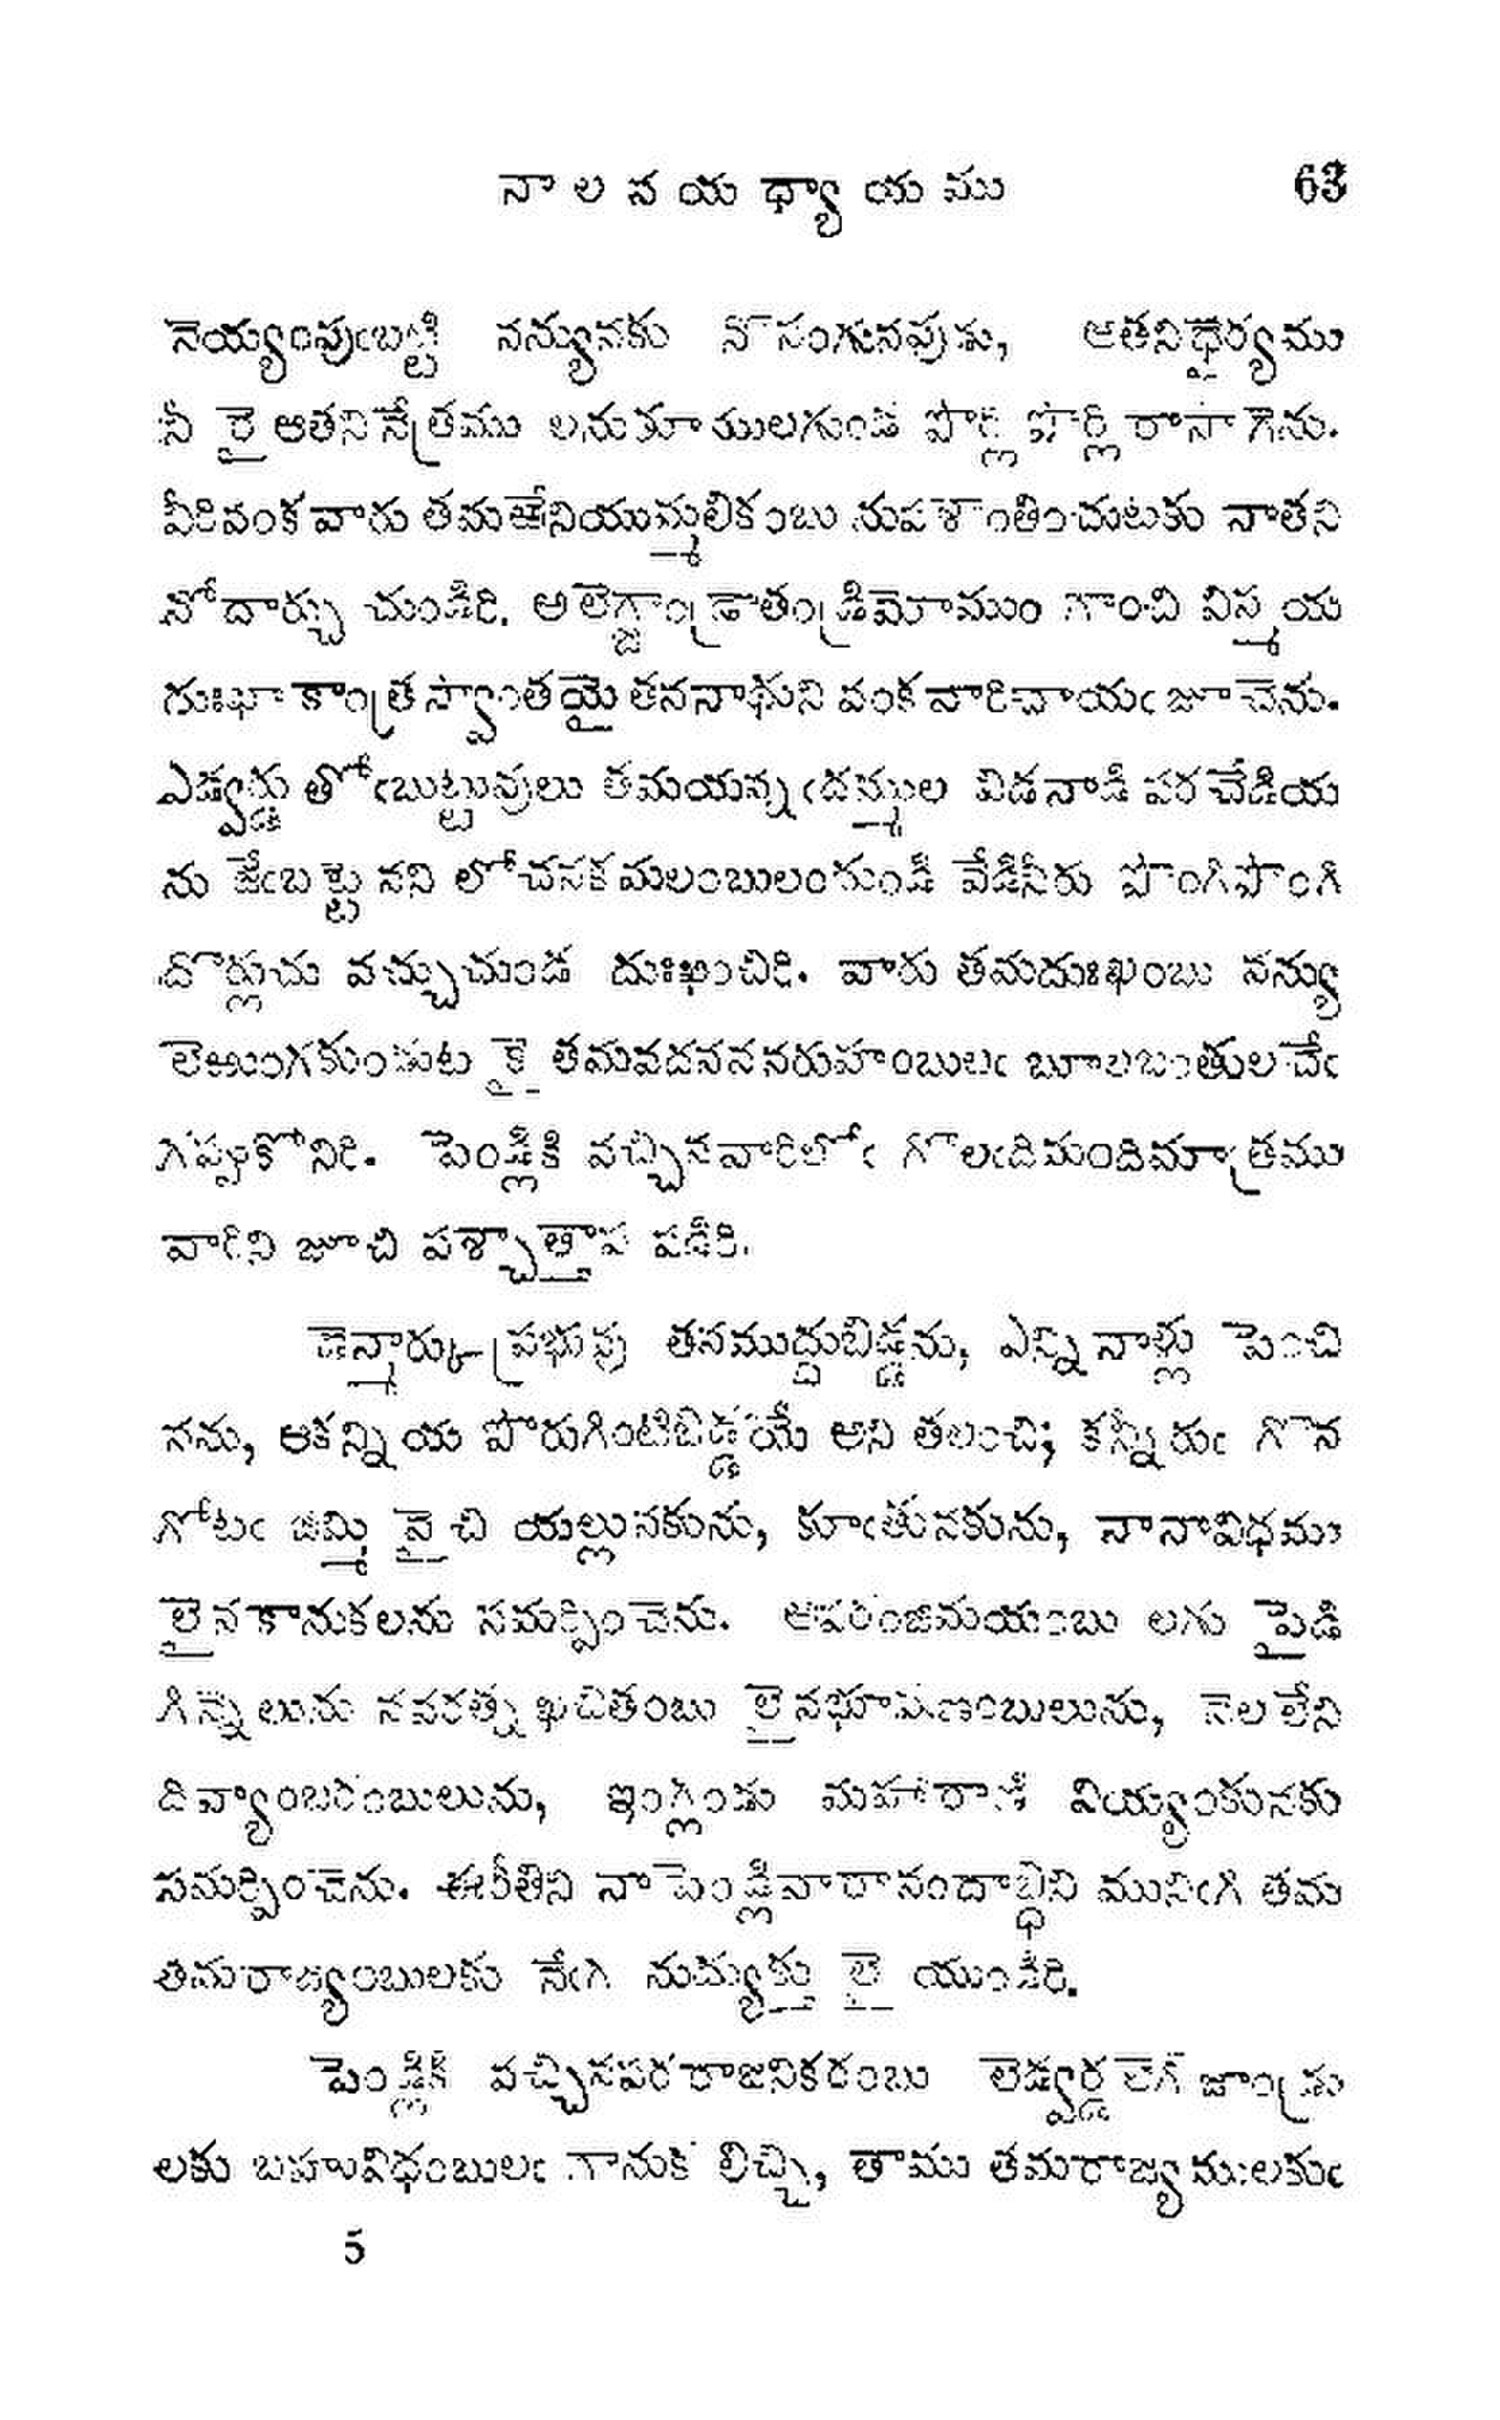నెయ్యంపుఁబట్టి నన్యునకు నొసంగునప్పుడు, ఆతని ధైర్యము నీరై ఆతని నేత్రము లను తూముల గుండ పొర్లి పార్లి రాసాగెను. వీరి వంక వారు తమఱేనియుమ్ములికంబు నుపశాంతించుటకు నాతని నోదార్చు చుండిరి. అలెగ్జాండ్రా తండ్రి, మోముం గాంచి విస్మయ దుఃకాంత్ర స్వాంతయై తన నాథుని వంక వారిచాయఁ జూచెను. ఎడ్వర్డు తోబుట్టువులు తమయన్న దమ్ముల విడనాడి పరచేడియ ను జేఁబట్టె నని లోచనకమలంబులందుండి వేడినీరు పొంగి పొంగి
దొర్లుచు వచ్చుచుండ దుఃఖిం చిరి. వారు తమదుఃఖంబు సన్యు లెఱుంగ కుండుటకై తమ వదనన నరుహంబుఁల బూబంతులచేకప్పు కొనిరి. పెండ్లికి వచ్చిన వారిలో గొలఁది మంది మాత్రము
వారిని జూచి పశ్చాత్తా పడిరి.

.డెన్మార్కు ప్రభువు తన ముద్దుబిడ్డను, ఎన్ని నాళ్లు పెంచిసను, ఆకన్నియ పొరుగింటిబిడ్డయే అని తలంచి, కన్నీరుఁ గొనగోటఁ జమ్మి వైచి యల్లు నకును, కూతునకును, నానావిధము
లైన కానుకలను సమర్పించెను. అపరంజ మయంబు లను పైడి గిన్నెలును సవరత్న ఖచితంబు లైన భూషణంబులును, వెలలేని దివ్యాంజంబులును, ఇంగ్లండు మహారాణి వియ్యంకునకు
సమర్పించెను. ఈ రీతిని నా పెండ్లివారానందాబ్దిని మునిగి తమ తమ రాజ్యంబులకు నేఁగినుద్యుక్తు లై యుండిరి.

పెండ్లికి వచ్చిన పరరాజనికరంబు లెడ్వర్డ లెగ్జాండ్రులకు బహువిధంబులఁ గానుక లిచ్చి, తాము తమరాజ్య ములకు